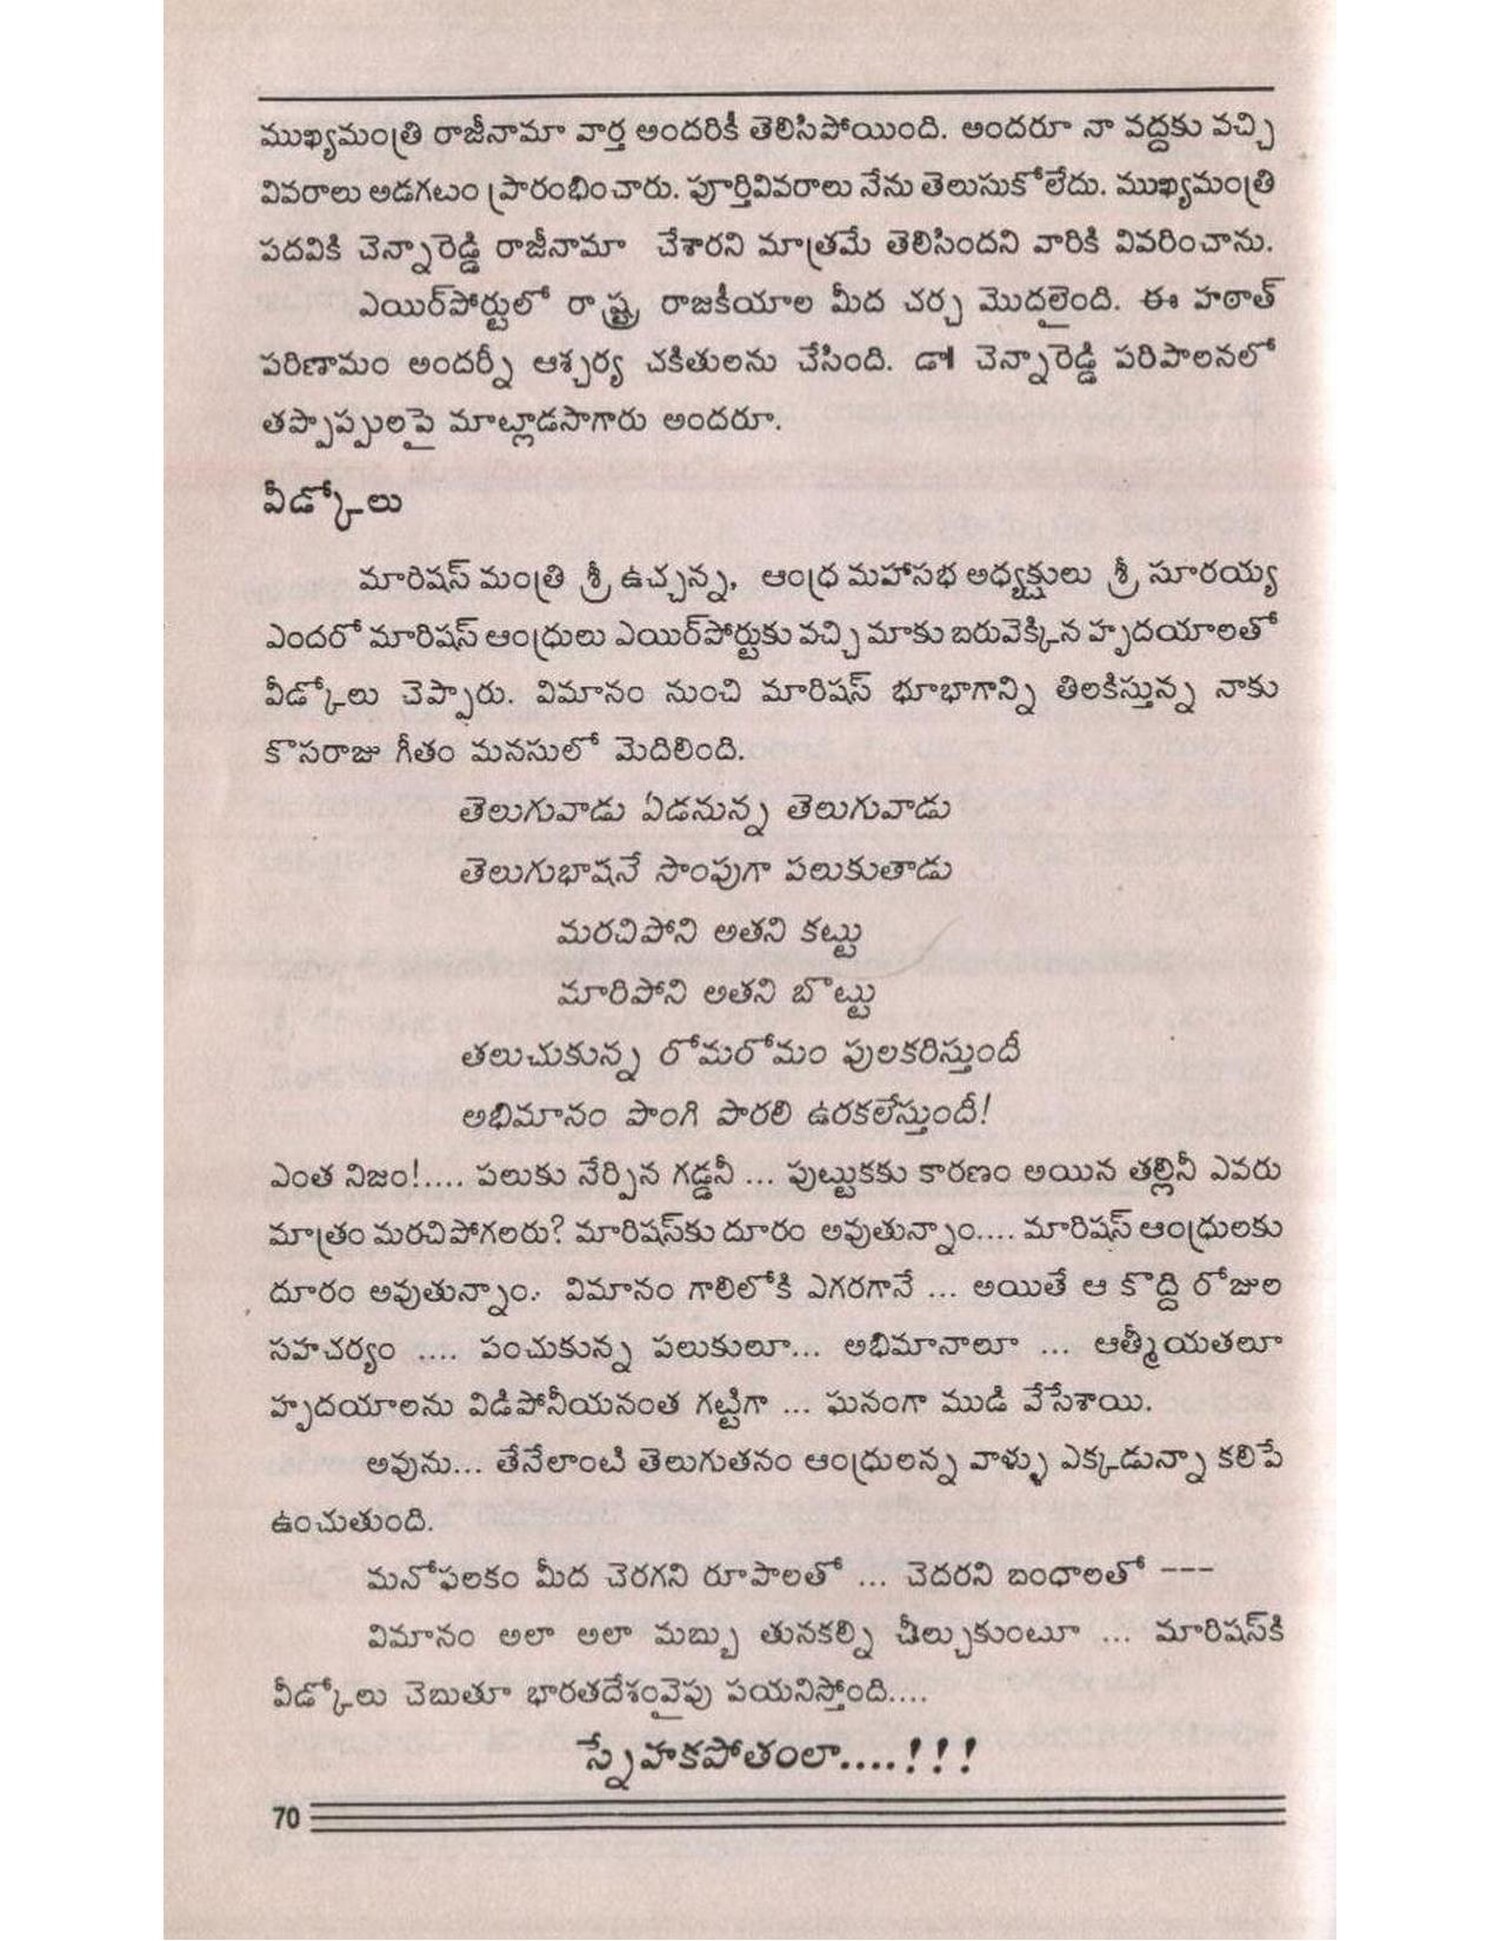ముఖ్యమంత్రి రాజీనామా వార్త అందరికీ తెలిసిపోయింది. అందరూ నా వద్దకు వచ్చి వివరాలు అడగటం ప్రారంభించారు. పూర్తివివరాలు నేను తెలుసుకోలేదు. ముఖ్యమంత్రి పదవికి చెన్నారెడ్డి రాజీనామా చేశారని మాత్రమే తెలిసిందని వారికి వివరించాను. 

ఎయిర్ పోర్టులో రాష్ట్ర రాజకీయాల మీద చర్చ మొదలైంది. ఈ హఠాత్ పరిణామం అందర్నీ ఆశ్చర్య చకితులను చేసింది. డా॥ చెన్నారెడ్డి పరిపాలనలో తప్పొప్పులపై మాట్లాడసాగారు అందరూ.

వీడ్కోలు

మారిషస్ మంత్రి శ్రీ ఉచ్చన్న, ఆంద్ర మహాసభ అధ్యక్షులు శ్రీ సూరయ్య ఎందరో మారిషస్ ఆంధ్రులు ఎయిర్‌పోర్టుకు వచ్చి మాకు బరువెక్కిన హృదయాలతో వీడ్కోలు చెప్పారు. విమానం నుంచి మారిషస్ భూభాగాన్ని తిలకిస్తున్న నాకు కొసరాజు గీతం మనసులో మెదిలింది.

ఎంత నిజం!... పలుకు నేర్పిన గడ్డనీ ... పుట్టుకకు కారణం అయిన తల్లినీ ఎవరు మాత్రం మరచిపోగలరు? మారిషస్‌కు దూరం అవుతున్నాం. మారిషస్ ఆంధ్రులకు దూరం అవుతున్నాం... విమానం గాలిలోకి ఎగరగానే ... అయితే ఆ కొద్ది రోజుల సహచర్యం.. . పంచుకున్న పలుకులూ... అభిమానాలూ ...ఆత్మీయతలూ హృదయాలను విడిపోనీయనంత గట్టిగా ... ఘనంగా ముడి వేసేశాయి.
స్నేహకపోతంలా....! ! !
అవును... తేనేలాంటి తెలుగుతనం ఆంధ్రులన్న వాళ్ళు ఎక్కడున్నా కలిపే ఉంచుతుంది.

మనోపలకం మీద చెరగని రూపాలతో.. . చెదరని బందాలలో --- 

విమానం అలా అలా మబ్బు తునకల్ని చీల్చుకుంటూ .. మారిషస్‌కి వీడ్కోలు చెబుతూ భారతదేశంవైపు పయనిస్తోంది.